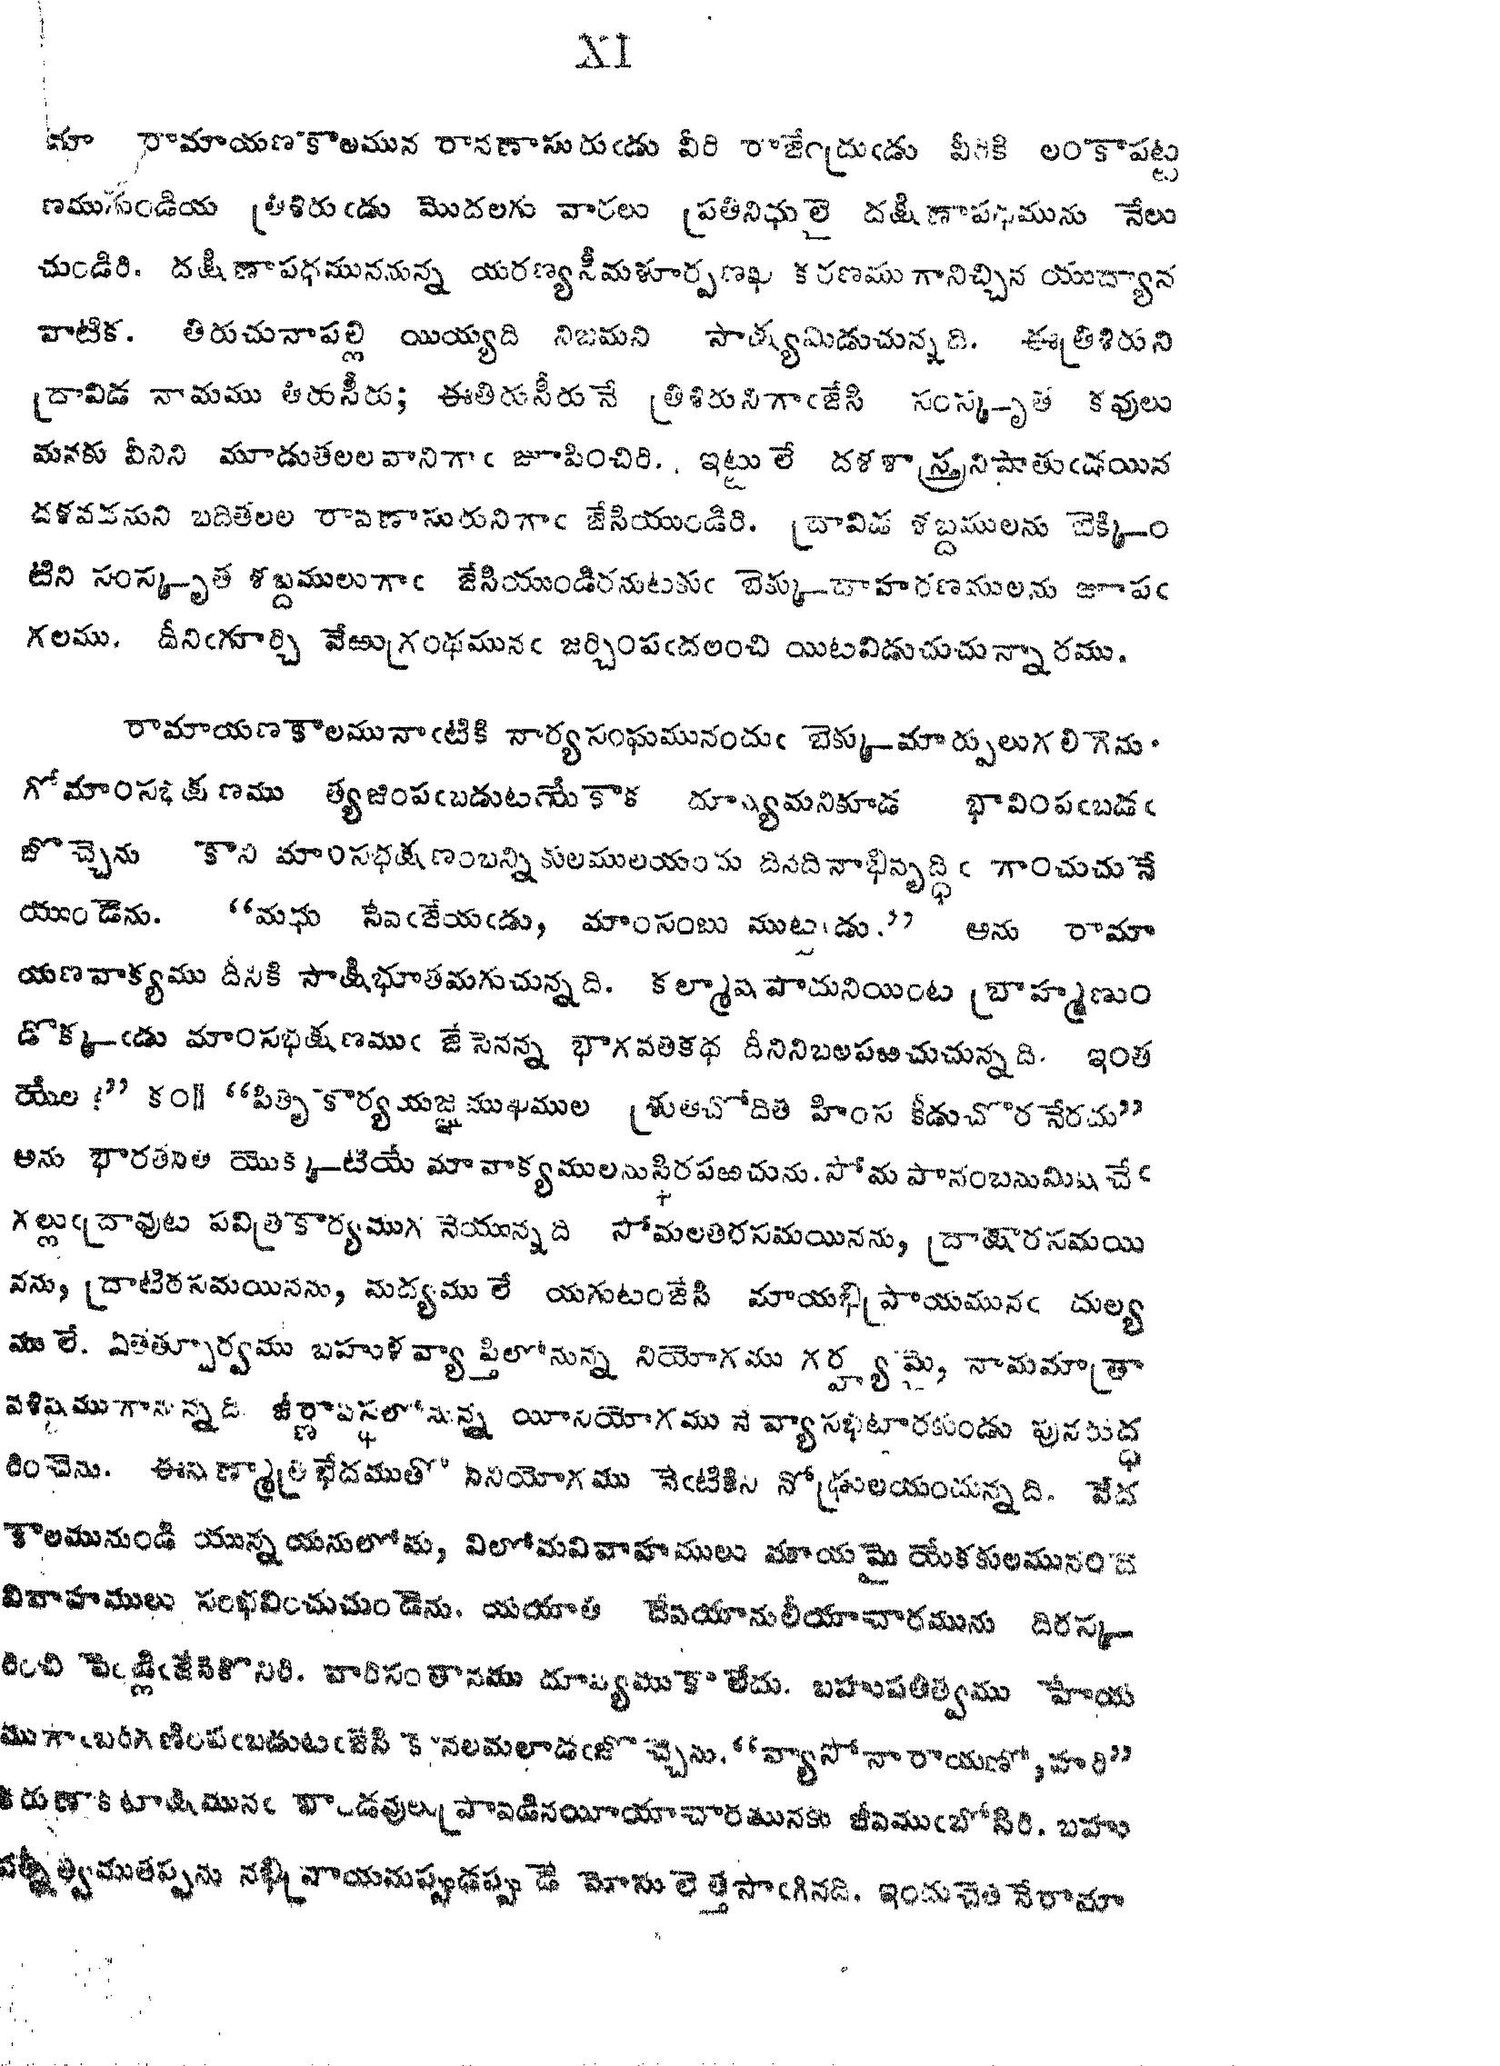మారామాయణ కాలమున రావణాసురుఁడు వీరి రాజేంద్రుఁడు వీరికీ లంకాపట్ట
ణము నుండియ త్రిశిరుఁడు మొదలగు వారలు ప్రతినిధులై దక్షిణాపథమును నేలు
చుండిరి. దక్షిణాపధముననున్న యరణ్య సీమశూర్పణఖ కరణము గానిచ్చిన యుద్యాన
వాటిక. తిరుచునాపల్లి యియ్యది నిజమని సాక్ష్యమిడుచున్నది. ఈ త్రిశిరుని
ద్రావిడ నామము తిరసీరు; ఈతిరుసీరు నే త్రిశిరుని గాఁజేసి సంస్కృత కవులు
మనకు వీనిని మూడుతలల వానిగా జూపించిరి. . ఇట్టు లే దళశాస్త్ర నిష్ణాతుఁడయిన
దళవదమని బదితలల రావణాసురునిగాఁ జేసియుండిరి. ద్రావిడ శబ్దములను బెక్కిం
టిని సంస్కృత శబ్దములు గాఁ జేసియుండి రనుటకుఁ బెక్కుదాహరణములను జూపఁ
గలము. దీనిఁగూర్చి వేఱుగ్రంథమునఁ జర్చింపఁదలంచి యిటవిడుచు చున్నారము .
 

రామాయణ కాలము నాఁటికి నార్యసంఘమునందుఁ బెక్కు మార్పులు గలిగెను .
గోమాంభక్షణము త్యజింపఁబడుటయే కాక దూష్యమని కూడ భావింపఁబడ 
జొచ్చెను కాని మాంస భక్షణంబన్ని కులములయందు దినదినాభివృద్ధి గాంచుచునే 
యుండెను.మధు సేవజేయఁడు, మాంసంబు ముట్టడు." అను రామా
యణ వాక్యము దీనికి సాక్షి భూతమగు చున్నది. కల్మాష పాదునియింట బ్రాహ్మణుం
డొక్కఁడు మాంసభక్షణముఁ జేసెనన్న భాగవతి కథ దీనినిబలపఱచు చున్నది. ఇంత
యేల కం: “పితృ కార్య యజ్ఞముఖముల శ్రూతచోదిత హింస కీడు చొర నేరచు”
అను భారతనీతి యొక్కటియే మా వాక్యములను సిరపఱచును . సోమ పొనంబనుమిషచే
గల్లు ద్రాపుట పవిత్ర కార్యముగనే యున్నది. సోమలతరసమయినను, ద్రాక్షారసమయి
నసు, దాటిరసమయినను, మద్యములే యగుటంజేసి మాయభిప్రాయమునఁ దుల్య
ములే. ఏతత్పూర్వము బహుళ వ్యాప్తిలోనున్న నియోగము గర్హ్యమై, నామమాత్రా
పశిష్టము గానున్నది. జిర్ణావస్థలో సున్న యీనియోగమునే వ్యాసభట్టారకుండు పునరుద్ధ
రించెను. ఈషణ్మాత్ర భేదముతో " నీనియోగము నేఁటికినీ నోడ్రుల యందున్నది. వేద
కాలమునుండి యున్న యనులోమ, విలోమ వివాహములు మాయమై యేక కులమునందే
వివాహములు సంభవించు చుండెను. యయాతి దేవయానులీ యాచారమును దిరస్క.
రించి పెండ్లి చేసికొనిరి. వారిసంతాసము దూష్యము కాలేదు. బహుపతిత్వము "హేయ
ముగాఁ బరిగణింపఁబడుటఁజేసి కాసలమలాడఁజొచ్చెసు, “వ్యాసో నారాయణొ, హరి"
కరుణాకటాక్షమునఁ బాండవులు ప్రొవడిన యీయాచారమునకు జీవముఁబోసిరి. బహు
పత్నీ త్వము తప్పసు నభిప్రాయమప్పుడప్పుడే మోసు లెత్త సొఁగినది. అందు చేతనే రామా